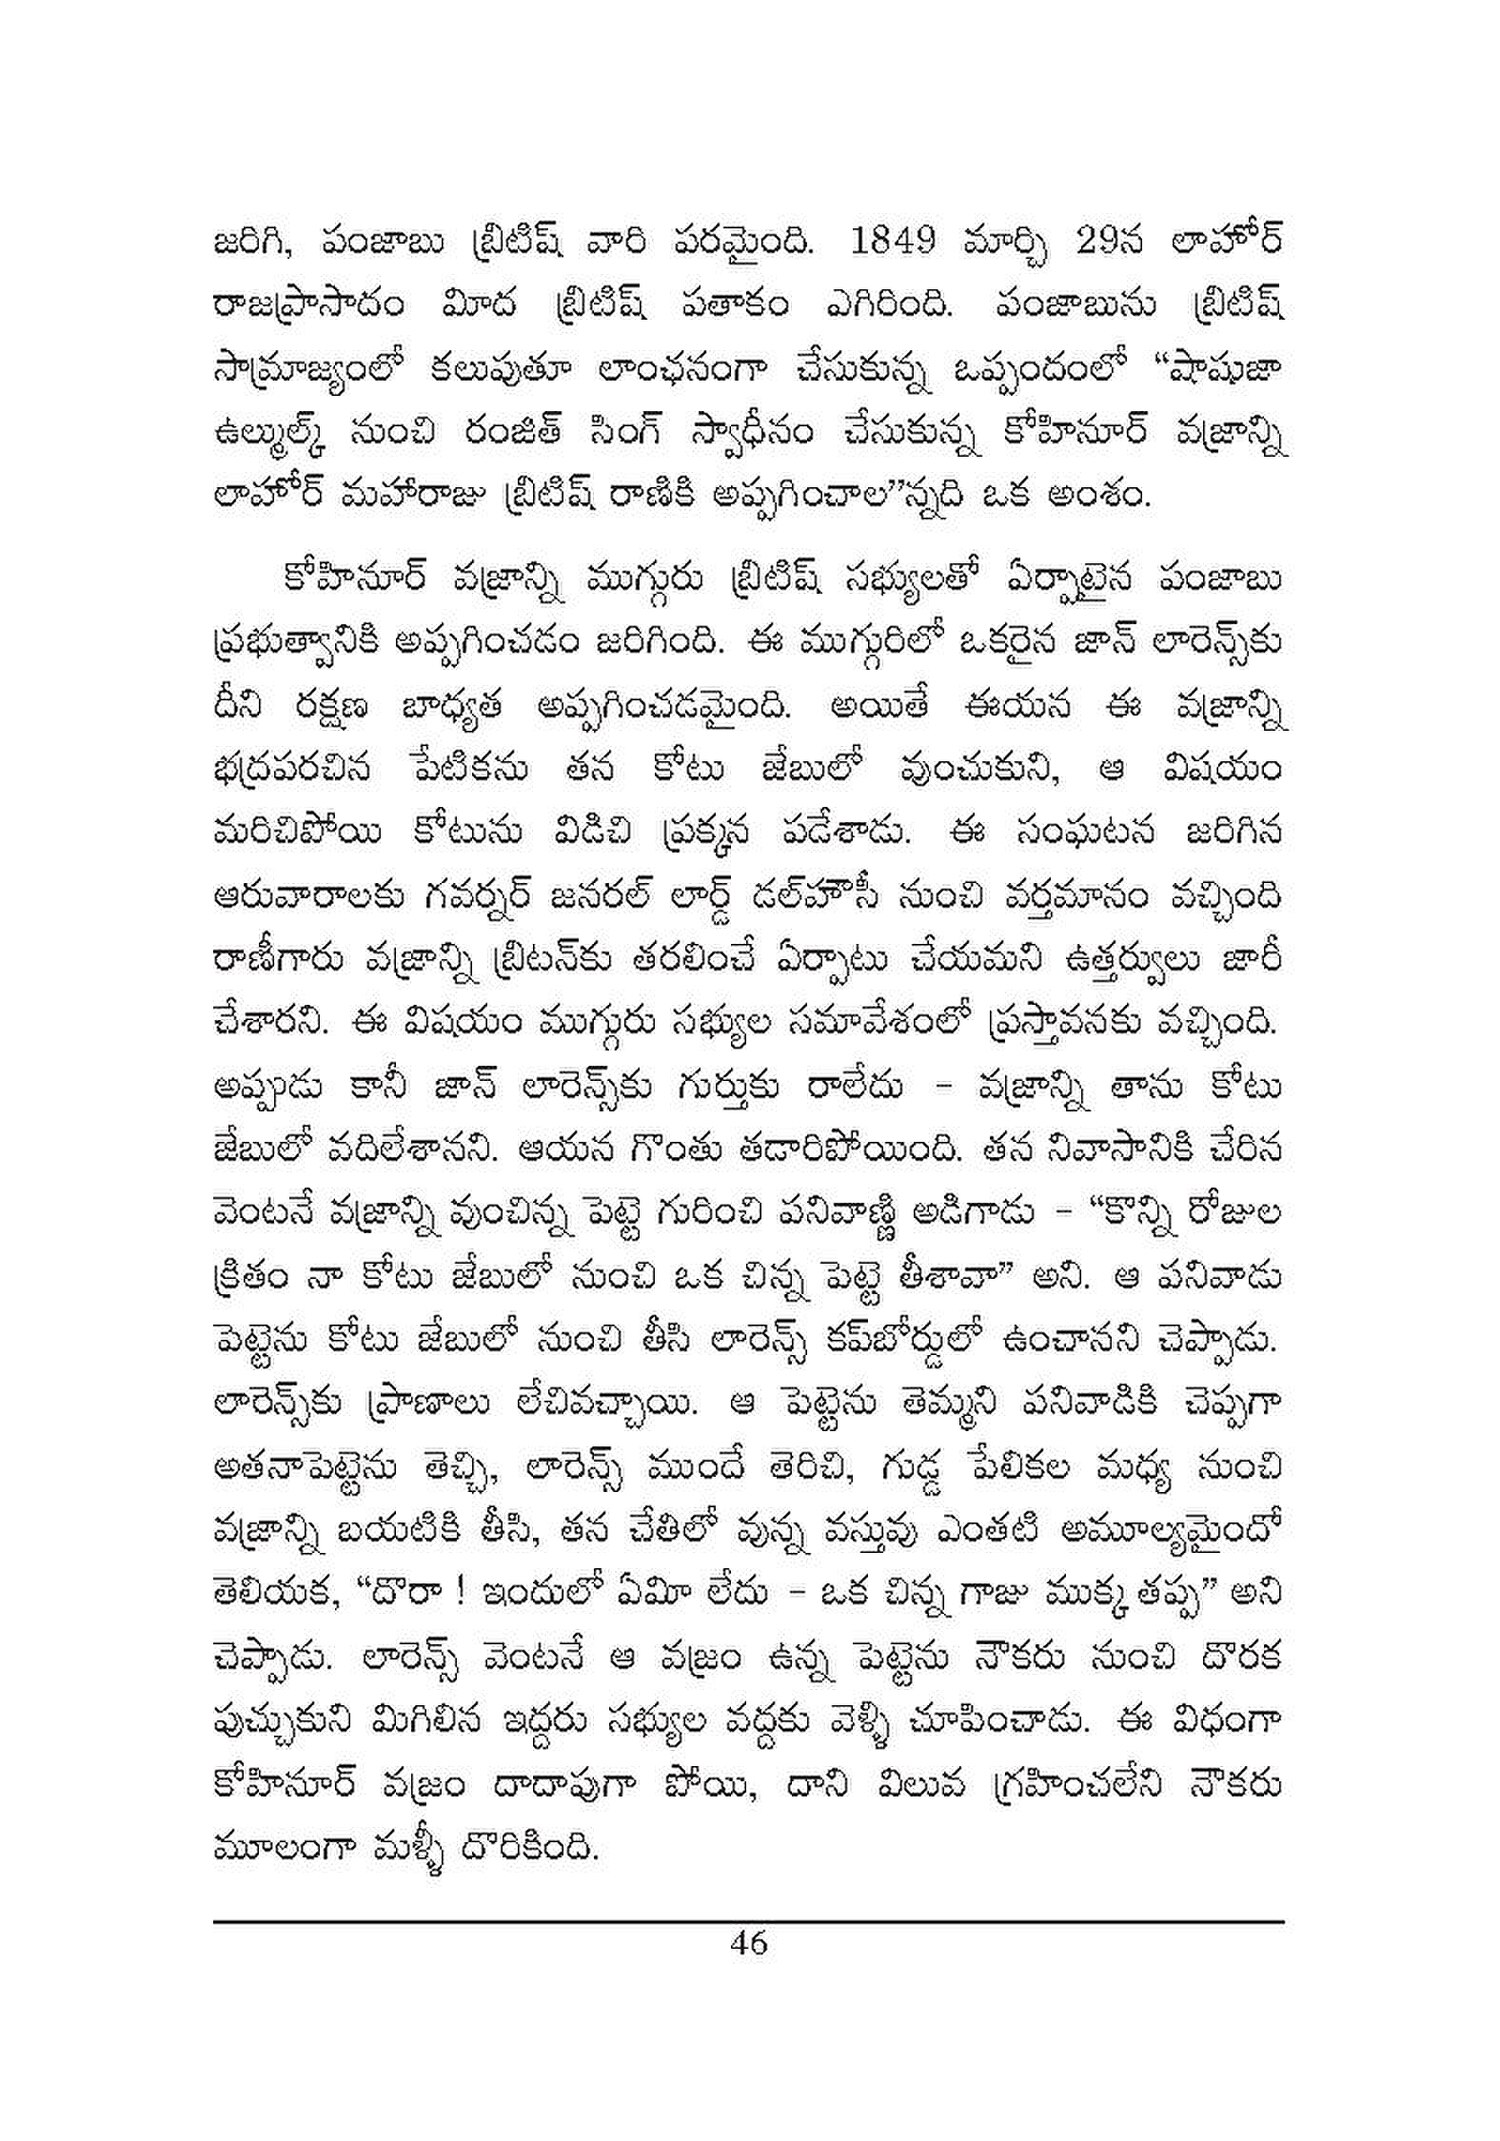జరిగి, పంజాబు బ్రిటిష్ వారి పరమైంది. 1849 మార్చి 29న లాహోర్ రాజప్రాసాదం విూద బ్రిటిష్ పతాకం ఎగిరింది. పంజాబును బ్రిటిష్ సామ్రాజ్యంలో కలుపుతూ లాంఛనంగా చేసుకున్న ఒప్పందంలో "షాషుజా ఉల్ముల్క్ నుంచి రంజిత్ సింగ్ స్వాధీనం చేసుకున్న కోహినూర్ వజ్రాన్ని లాహోర్ మహారాజు బ్రిటిష్ రాణికి అప్పగించాల”న్నది ఒక అంశం.

కోహినూర్ వజ్రాన్ని ముగ్గురు బ్రిటిష్ సభ్యులతో ఏర్పాటైన పంజాబు ప్రభుత్వానికి అప్పగించడం జరిగింది. ఈ ముగ్గురిలో ఒకరైన జాన్ లారెన్స్కు దీని రక్షణ బాధ్యత అప్పగించడమైంది. అయితే ఈయన ఈ వజ్రాన్ని భద్రపరచిన పేటికను తన కోటు జేబులో వుంచుకుని, ఆ విషయం మరిచిపోయి కోటును విడిచి ప్రక్కన పడేశాడు. ఈ సంఘటన జరిగిన ఆరువారాలకు గవర్నర్ జనరల్ లార్డ్ డల్హౌసీ నుంచి వర్తమానం వచ్చింది రాణీగారు వజ్రాన్ని బ్రిటన్కు తరలించే ఏర్పాటు చేయమని ఉత్తర్వులు జారీ చేశారని. ఈ విషయం ముగ్గురు సభ్యుల సమావేశంలో ప్రస్తావనకు వచ్చింది. అప్పడు కానీ జాన్ లారెన్స్కు గుర్తుకు రాలేదు - వజ్రాన్ని తాను కోటు జేబులో వదిలేశానని. ఆయన గొంతు తడారిపోయింది. తన నివాసానికి చేరిన వెంటనే వజ్రాన్ని వుంచిన్న పెట్టె గురించి పనివాణ్ణి అడిగాడు - "కొన్ని రోజుల క్రితం నా కోటు జేబులో నుంచి ఒక చిన్న పెట్టె తీశావా" అని. ఆ పనివాడు పెట్టెను కోటు జేబులో నుంచి తీసి లారెన్స్ కప్బోర్డులో ఉంచానని చెప్పాడు. లారెన్స్కు ప్రాణాలు లేచివచ్చాయి. ఆ పెట్టెను తెమ్మని పనివాడికి చెప్పగా అతనాపెట్టెను తెచ్చి, లారెన్స్ ముందే తెరిచి, గుడ్డ పేలికల మధ్య నుంచి వజ్రాన్ని బయటికి తీసి, తన చేతిలో వున్న వస్తువు ఎంతటి అమూల్యమైందో తెలియక, "దొరా ! ఇందులో ఏమి లేదు - ఒక చిన్న గాజు ముక్క తప్ప" అని చెప్పాడు. లారెన్స్ వెంటనే ఆ వజ్రం ఉన్న పెట్టెను నౌకరు నుంచి దొరక పుచ్చుకుని మిగిలిన ఇద్దరు సభ్యుల వద్దకు వెళ్ళి చూపించాడు. ఈ విధంగా కోహినూర్ వజ్రం దాదాపుగా పోయి, దాని విలువ గ్రహించలేని నౌకరు మూలంగా మళ్ళీ దొరికింది.